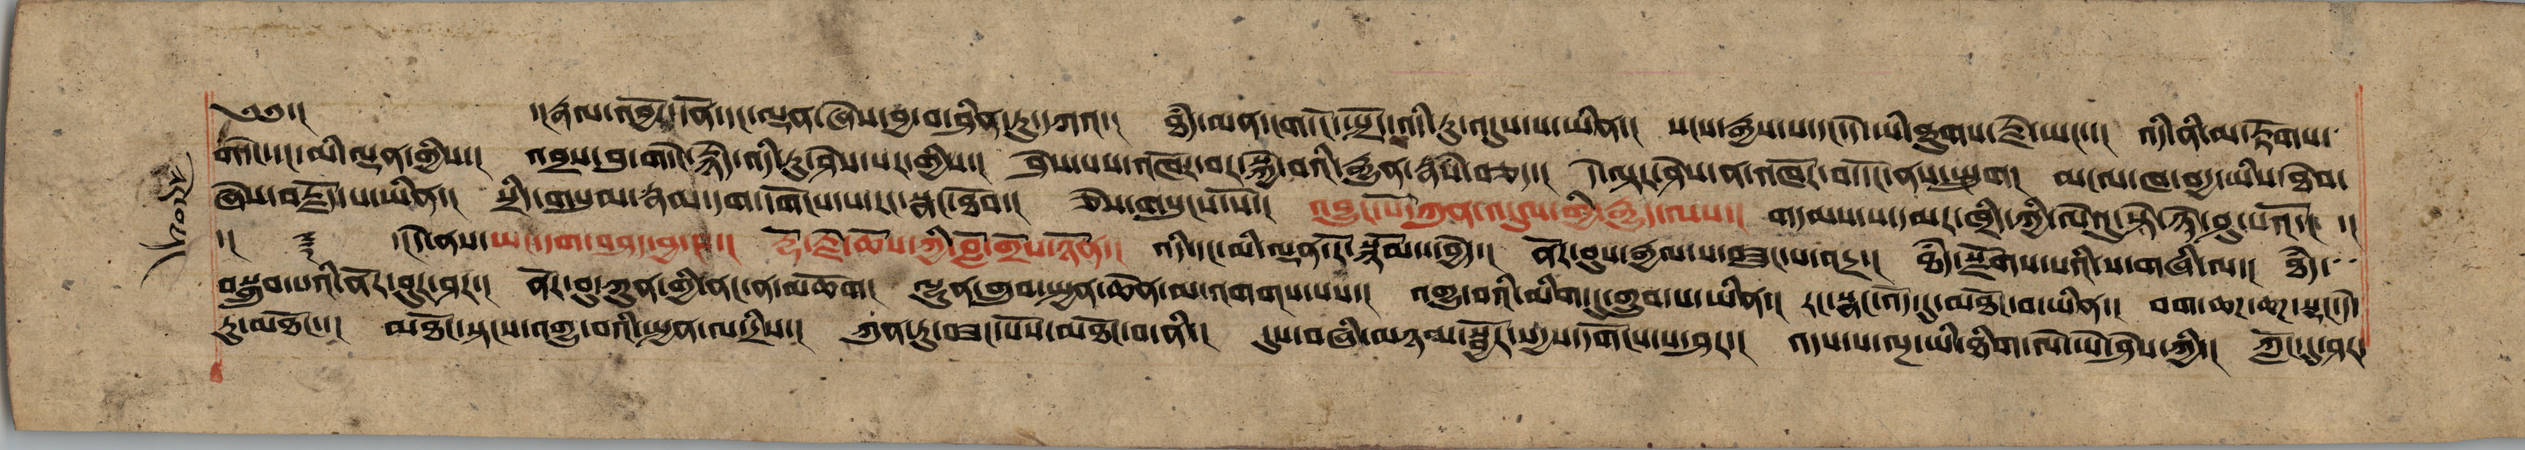༄༅་། ་།རྣལ་འབྱོར་དོན་དང་ལྡན་ཞེས་བྱ་བ་ཤིན་ཏུ་དཀའ་། ཐཾད་ལན་ངག་ངོ་སྤྲོད་འདི་རུ་འདུས་པ་ཡིན་། སངས་རྒྱས་པ་དང་དེ་ཡི་ཐུགས་རྗེ་ཡང་་། འདི་ནི་མ་རྟོགས་
གདེང་དང་མི་ལྡན་གྱིས་། འབྲས་བུ་གདེང་རྙེད་འདི་རུ་ཤེས་པར་གྱིས་། ཤེས་པས་འཁོར་བར་སྐྱེ་བའི་རྒྱུན་རྣཾས་བཅད་། དེ་ལྟར་ཤེས་ན་འཁོར་བ་དོང་ནས་སྤྲུག། མངལ་ཁ་བདྱ་ཡིས་ཐེབ་
ཞེས་བརྗོད་པ་ཡིན་། སྲིད་གསུམ་རྣམ་དག་དགོངས་པ་རང་སྣང་ཐོབ་། ཅེས་གསུངས་སོ་། འབྱུང་པོ་ཀུན་འདུལ་གྱི་རྒྱུད་ལས་། གདམས་པ་དམར་ཁྲིད་ཀྱི་ལེའུ་སྟེ་ཉེ་ཤུ་པའོ་། ་།
་། ༈ ་།དེ་ནས་ཡང་དག་བཤད་བྱ་བ་། རྡོ་རྗེ་ཆོས་ཀྱི་བློ་གྲོས་ཉོན་། འདི་དང་མི་ལྡན་རོ་སྙོམས་བྱེད་། ནོར་བུས་རྒྱལ་པ་བཟུང་པ་འདྲ་། ཐཾད་སྫོགས་པའི་ས་གཞི་ལ་། ཐཾད་་
བསྒྲུབ་པའི་ནོར་བུར་ཤར་། ནོར་བུ་ཀུན་གྱི་ནང་ན་མཆོག། ལྷུན་གྲུབ་སྤྱན་ཆེན་མ་འགགས་པས་། འགྱུ་བའི་མིག་དུ་གྲུབ་པ་ཡིན་། རང་སྣང་འོད་དུ་མཐོང་བ་ཡིན་། བག་ཆཌ་ཆཌ་སྡང་དེ་
ཏུ་མཐོང་་། མཐོང་སྟངས་འགྱུ་བའི་སྤྱན་ལ་དྲིས་། ཀུན་ཏུ་བཟང་པོ་མཐོང་བ་ནི་། དུས་བཞི་མཉམ་སྦྱོར་སདྱས་དགོངས་པ་ཤར་། འདས་པ་ལྔ་ཡི་ཐིག་ལེ་ཡེ་ཤེས་ཀྱི་། ཀློང་དུ་ཤར་